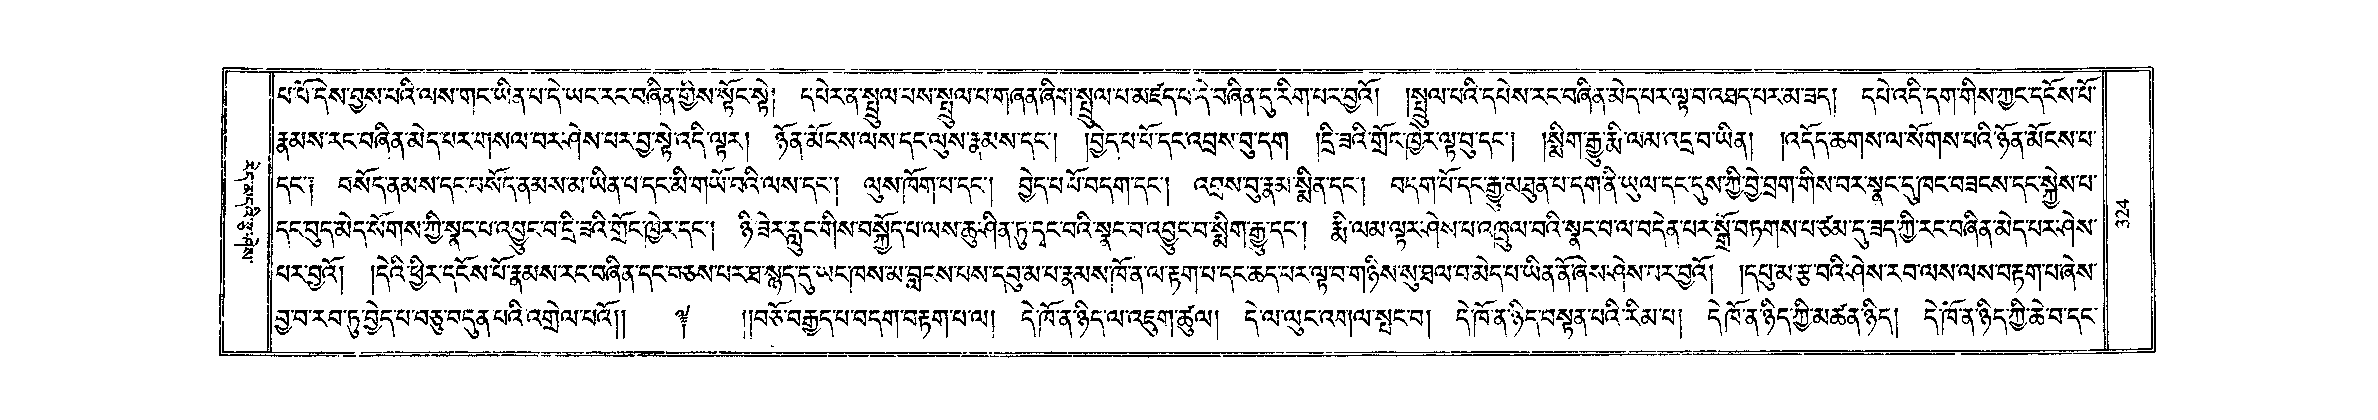པ་པོ་དེས་བྱས་པའི་ལས་གང་ཡིན་པ་དེ་ཡང་རང་བཞིན་གྱིས་སྟོང་སྟེ། དཔེར་ན་སྤྲུལ་པས་སྤྲུལ་པ་གཞན་ཞིག་སྤྲུལ་པ་མཛད་པ་དེ་བཞིན་དུ་རིག་པར་བྱའོ། །སྤྲུལ་པའི་དཔེས་རང་བཞིན་མེད་པར་ལྟ་བ་འཐད་པར་མ་ཟད། དཔེ་འདི་དག་གིས་ཀྱང་དངོས་པོ་
རྣམས་རང་བཞིན་མེད་པར་གསལ་བར་ཤེས་པར་བྱ་སྟེ་འདི་ལྟར། ཉོན་མོངས་ལས་དང་ལུས་རྣམས་དང་། །བྱེད་པ་པོ་དང་འབྲས་བུ་དག །དྲི་ཟའི་གྲོང་ཁྱེར་ལྟ་བུ་དང་། །སྨིག་རྒྱུ་རྨི་ལམ་འདྲ་བ་ཡིན། །འདོད་ཆགས་ལ་སོགས་པའི་ཉོན་མོངས་པ་
དང༑ བསོད་ནམས་དང་བསོད་ནམས་མ་ཡིན་པ་དང་མི་གཡོ་བའི་ལས་དང་། ལུས་ཁོག་པ་དང་། བྱེད་པ་པོ་བདག་དང་། འབྲས་བུ་རྣམ་སྨིན་དང་། བདག་པོ་དང་རྒྱུ་མཐུན་པ་དག་ནི་ཡུལ་དང་དུས་ཀྱི་བྱེ་བྲག་གིས་བར་སྣང་དུ་ཁང་བཟངས་དང་སྐྱེས་པ་
དང་བུད་མེད་སོགས་ཀྱི་སྣང་པ་འབྱུང་བ་དྲི་ཟའི་གྲོང་ཁྱེར་དང་། ཉི་ཟེར་རླུང་གིས་བསྐྱོད་པ་ལས་ཆུ་ཤིན་ཏུ་དྭང་བའི་སྣང་བ་འབྱུང་བ་སྨིག་རྒྱུ་དང་། རྨི་ལམ་ལྟར་ཤེས་པ་འཁྲུལ་བའི་སྣང་བ་ལ་བདེན་པར་སྒྲོ་བཏགས་པ་ཙམ་དུ་ཟད་ཀྱི་རང་བཞིན་མེད་པར་ཤེས་
པར་བྱའོ། །དེའི་ཕྱིར་དངོས་པོ་རྣམས་རང་བཞིན་དང་བཅས་པར་ཐ་སྙད་དུ་ཡང་ཁས་མ་བླངས་པས་དབུ་མ་པ་རྣམས་ཁོ་ན་ལ་རྟག་པ་དང་ཆད་པར་ལྟ་བ་གཉིས་སུ་ཐལ་བ་མེད་པ་ཡིན་ནོ་ཞེས་ཤེས་པར་བྱའོ། །དབུ་མ་རྩ་བའི་ཤེས་རབ་ལས་ལས་བརྟག་པ་ཞེས་
བྱ་བ་རབ་ཏུ་བྱེད་པ་བཅུ་བདུན་པའི་འགྲེལ་པའོ།། ༈ །།བཅོ་བརྒྱད་པ་བདག་བརྟག་པ་ལ། དེ་ཁོ་ན་ཉིད་ལ་འཇུག་ཚུལ། དེ་ལ་ལུང་འགལ་སྤང་བ། དེ་ཁོ་ན་ཉིད་བསྟན་པའི་རིམ་པ། དེ་ཁོ་ན་ཉིད་ཀྱི་མཚན་ཉིད། དེ་ཁོ་ན་ཉིད་ཀྱི་ཆེ་བ་དང་